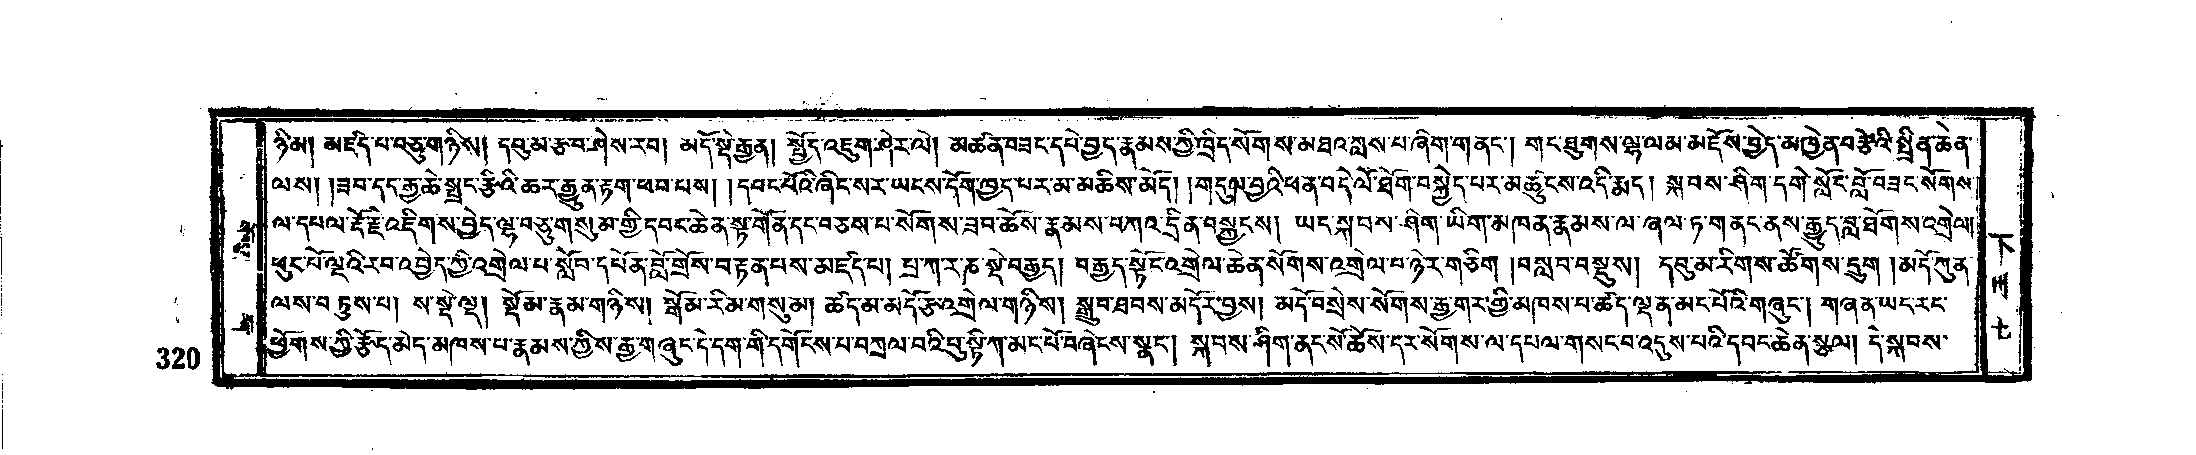ཉི་མ། མཛད་པ་བཅུ་གཉིས། དབུ་མ་རྩ་བ་ཤེས་རབ། མདོ་སྡེ་རྒྱན། སྤྱོད་འཇུག་ཤེར་ལེ། མཚན་བཟང་དཔེ་བྱད་རྣམས་ཀྱི་ཁྲིད་སོགས་མཐའ་ཀླས་པ་ཞིག་གནང་། གང་ཐུགས་ལྷ་ལམ་མཇོས?་བྱེད་མཁྱེན་བརྩེའི་སྤྲིན་ཆེན་
ལས། །ཟབ་དང་རྒྱ་ཆེ་སྦྲང་རྩིའི་ཆར་རྒྱུན་རྟག་ཕབ་པས། །དབང་པོའི་ཞིང་སར་ཡངས་དོག་ཁྱད་པར་མ་མཆིས་མོད། །གདུལ་བྱའི་ཕན་བདེ་ལོ་ཐོག་བསྐྱེད་པར་མཚུངས་འདི་རྨད། སྐབས་ཤིག་དགེ་སློང་བློ་བཟང་སོགས་
ལ་དཔལ་རྡོ་རྗེ་འཇིགས་བྱེད་ལྷ་བཅུ་གསུམ་གྱི་དབང་ཆེན་སྟ་གོན་དང་བཅས་པ་སོགས་ཟབ་ཆོས་རྣམས་བཀའ་དྲིན་བསྐྱངས། ཡང་སྐབས་ཤིག་ཡིག་མཁན་རྣམས་ལ་ཞལ་ཏ་གནང་ནས་རྒྱུད་བླ་ཐོགས་འགྲེལ།
ཕུང་པོ་ལྔའི་རབ་འབྱེད་ཀྱི་འགྲེལ་པ་སློབ་དཔོན་བློ་གྲོས་བརྟན་པས་མཛད་པ། པྲ་ཀ་ར་ཎ་སྡེ་བརྒྱད། བརྒྱད་སྟོང་འགྲེལ་ཆེན་སོགས་འགྲེལ་པ་ཉེར་གཅིག །བསླབ་བསྡུས། དབུ་མ་རིགས་ཚོགས་དྲུག །མདོ་ཀུན་
ལས་བཏུས་པ། ས་སྡེ་ལྔ། སྡོམ་རྣམ་གཉིས། སྒོམ་རིམ་གསུམ། ཚད་མ་མདོ་རྩ་འགྲེལ་གཉིས། སྒྲུབ་ཐབས་མདོར་བྱས། མདོ་བསྲེས་སོགས་རྒྱ་གར་གྱི་མཁས་པ་ཚད་ལྡན་མང་པོའི་གཞུང་། གཞན་ཡང་རང་
ཕྱོགས་ཀྱི་རྩོད་མེད་མཁས་པ་རྣམས་ཀྱིས་རྒྱ་གཞུང་དེ་དག་གི་དགོངས་པ་བཀྲལ་བའི་པུ་སྟི་ཀ་མང་པོ་བཞེངས་སྣང་། སྐབས་ཤིག་ནང་སོ་ཆོས་དར་སོགས་ལ་དཔལ་གསང་བ་འདུས་པའི་དབང་ཆེན་སྩལ། དེ་སྐབས་